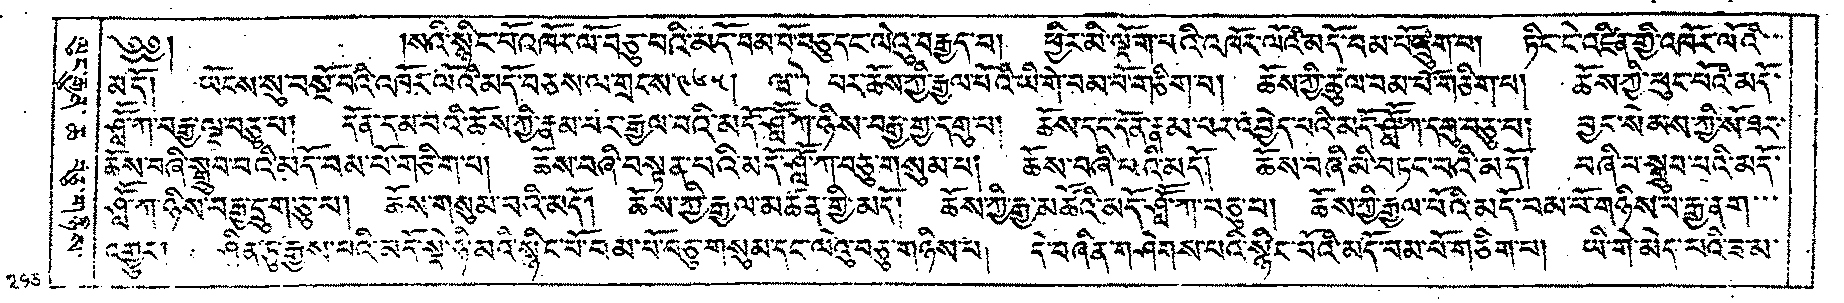༄༅། །སའི་སྙིང་པོ་འཁོར་ལོ་བཅུ་པའི་མདོ་བམ་པོ་བཅུ་དང་ལེའུ་བརྒྱད་པ། ཕྱིར་མི་ལྡོག་པའི་འཁོར་ལོའི་མདོ་བམ་པོ་དྲུག་པ། ཏིང་ངེ་འཛིན་གྱི་འཁོར་ལོའི་
མདོ། ཡོངས་སུ་བསྔོ་བའི་འཁོར་ལོའི་མདོ་བཅས་ལ་གྲངས ༤༦༥། ཝ}་པར་ཆོས་ཀྱི་རྒྱལ་པོའི་ཡི་གེ་བམ་པོ་གཅིག་པ། ཆོས་ཀྱི་ཚུལ་བམ་པོ་གཅིག་པ། ཆོས་ཀྱི་ཕུང་པོའི་མདོ་
ཤླཽ་ཀ་བརྒྱ་ལྔ་བཅུ་པ། དོན་དམ་པའི་ཆོས་ཀྱི་རྣམ་པར་རྒྱལ་བའི་མདོ་ཤླཽ་ཀ་ཉིས་བརྒྱ་གྱ་དགུ་པ། ཆོས་དང་དོན་རྣམ་པར་འབྱེད་པའི་མདོ་ཤླཽ་ཀ་དགུ་བཅུ་པ། བྱང་སེམས་ཀྱི་སོ་ཐར་
ཆོས་བཞི་སྒྲུབ་བའི་མདོ་བམ་པོ་གཅིག་པ། ཆོས་བཞི་བསྟན་པའི་མདོ་ཤླཽ་ཀ་བཅུ་གསུམ་པ། ཆོས་བཞི་པའི་མདོ། ཆོས་བཞི་མི་བཏང་བའི་མདོ། བཞི་པ་སྒྲུབ་པའི་མདོ་
ཤླཽ་ཀ་ཉིས་བརྒྱ་དྲུག་ཅུ་པ། ཆོས་གསུམ་པའི་མདོ། ཆོས་ཀྱི་རྒྱལ་མཚན་གྱི་མདོ། ཆོས་ཀྱི་རྒྱ་མཚོའི་མདོ་ཤླཽ་ཀ་བཅུ་པ། ཆོས་ཀྱི་རྒྱལ་པོའི་མདོ་བམ་པོ་གཉིས་པ་རྒྱ་ནག་
འགྱུར། ཤིན་ཏུ་རྒྱས་པའི་མདོ་སྡེ་ཉི་མའི་སྙིང་པོ་བམ་པོ་བཅུ་གསུམ་དང་ལེའུ་བཅུ་གཉིས་པ། དེ་བཞིན་གཤེགས་པའི་སྙིང་པོའི་མདོ་བམ་པོ་གཅིག་པ། ཡི་གེ་མེད་པའི་ཟ་མ་